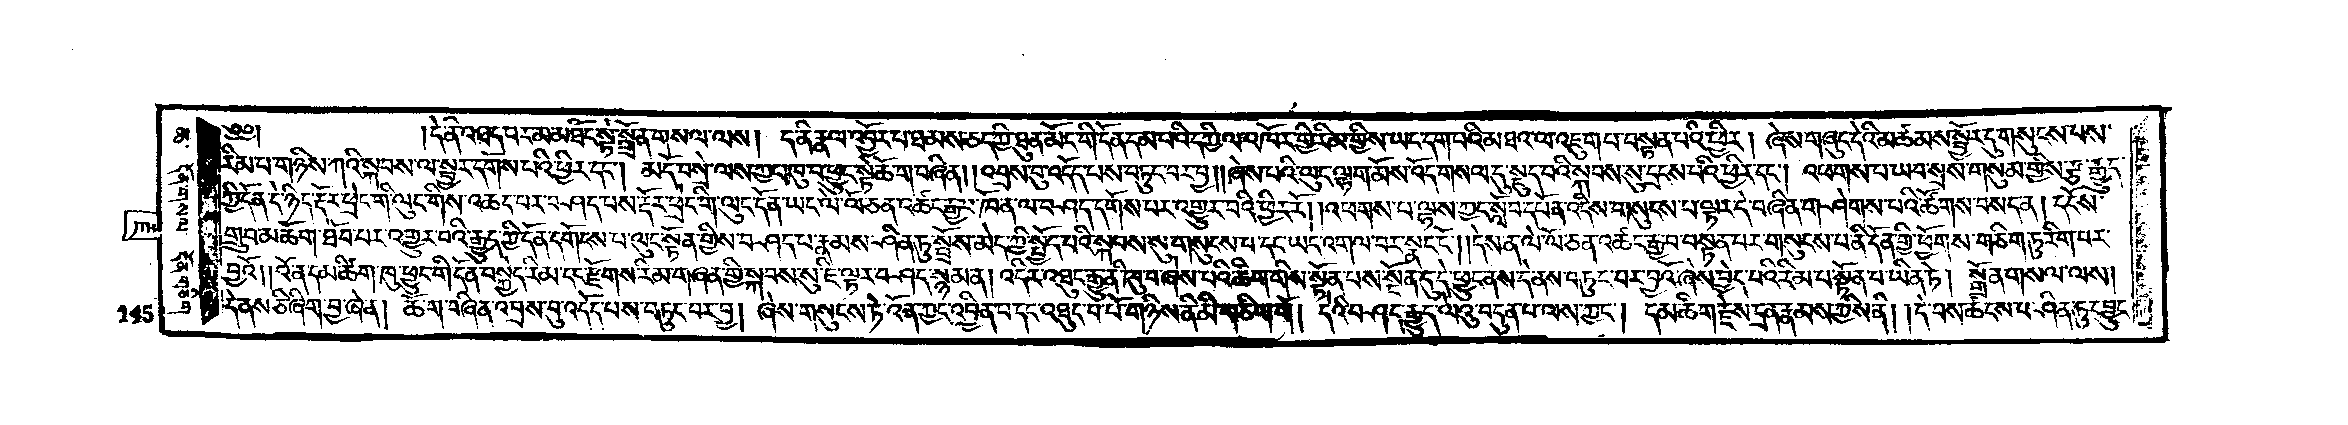༄༅། །དེ་ནི་འཐད་པར་མ་མཐོང་སྟེ་སྒྲོན་གསལ་ལས། ད་ནི་རྣལ་འབྱོར་པ་ཐམས་ཅད་ཀྱི་ཐུན་མོང་གི་དོན་དམ་པའི་དཀྱིལ་འཁོར་གྱི་རིམ་གྱིས་ཡང་དག་པའི་མཐའ་ལ་འཇུག་པ་བསྟན་པའི་ཕྱིར། ཞེས་གཞུང་དེའི་མཚམས་སྦྱོར་དུ་གསུངས་པས་
རིམ་པ་གཉིས་ཀའི་སྐབས་ལ་སྦྱར་དགོས་པའི་ཕྱིར་དང་། མདོ་བསྲེ་ལས་ཀྱང་ཁུ་བ་ཕྱུང་སྟེ་ཆོ་ག་བཞིན། །འབྲས་བུ་འདོད་པས་བཏུང་བར་བྱ། །ཞེས་པའི་ལུང་ལྷག་མོས་འོད་གསལ་དུ་སྡུད་པའི་སྐབས་སུ་དྲངས་པའི་ཕྱིར་དང་། འཕགས་པ་ཡབ་སྲས་གསུམ་གྱིས་རྩ་རྒྱུད་
ཀྱི་དོན་དེ་ཉིད་རྡོར་ཕྲེང་གི་ལུང་གིས་འཆད་པར་བཤད་པས་རྡོར་ཕྲེང་གི་ལུང་དོན་ཡང་ལེ་ལོ་ཅན་འཚང་རྒྱ་བ་ཁོ་ན་ལ་བཤད་དགོས་པར་འགྱུར་བའི་ཕྱིར་རོ། །འཕགས་པ་ལྷས་ཀྱང་སློབ་དཔོན་འདིས་གསུངས་པ་ལྟར་དེ་བཞིན་གཤེགས་པའི་ཚོགས་བསད་ན། དངོས་
གྲུབ་མཆོག་ཐོབ་པར་འགྱུར་བའི་རྒྱུད་ཀྱི་དོན་དགོངས་པ་ལུང་སྟོན་གྱིས་བཤད་པ་རྣམས་ཤིན་ཏུ་སྤྲོས་མེད་ཀྱི་སྤྱོད་པའི་སྐབས་སུ་གསུངས་པ་དང་ཡང་འགལ་བར་སྣང་ངོ། །དེས་ན་ལེ་ལོ་ཅན་འཚང་རྒྱ་བ་བསྟན་པར་གསུངས་པ་ནི་དོན་གྱི་ཕྱོགས་གཅིག་ཏུ་རིག་པར་
བྱའོ། །འོ་ན་དམ་ཚིག་ཁུ་ཕྱུང་གི་དོན་བསྐྱེད་རིམ་དང་རྫོགས་རིམ་གཞན་གྱི་སྐབས་སུ་ཇི་ལྟར་བཤད་སྙམ་ན། འདིར་འཐུང་རྒྱུ་ནི་ཁུ་བ་ཞེས་པའི་ཚིག་གིས་སྟོན་པས་སྔོན་དུ་དེ་ཕྱུང་ནས་དེ་ནས་བཏུང་བར་བྱའོ་ཞེས་བྱེད་པའི་རིམ་པ་སྟོན་པ་ཡིན་ཏེ། སྒྲོན་གསལ་ལས།
དེ་ནས་ཅི་ཞིག་བྱ་ཞེ་ན། ཆོ་ག་བཞིན་འབྲས་བུ་འདོད་པས་བཏུང་བར་བྱ། ཞེས་གསུངས་ཏེ་འོན་ཀྱང་འབྱིན་པ་དང་འཐུང་བ་པོ་གཉིས་ནི་མི་གཅིག་གོ །དེའི་བཤད་རྒྱུད་ལེའུ་བདུན་པ་ལས་ཀྱང་། དམ་ཚིག་རྗེས་དྲན་རྣམས་ཀྱིས་ནི། །དེ་བས་ཚངས་བ་ཤིན་ཏུ་དབྱུང་